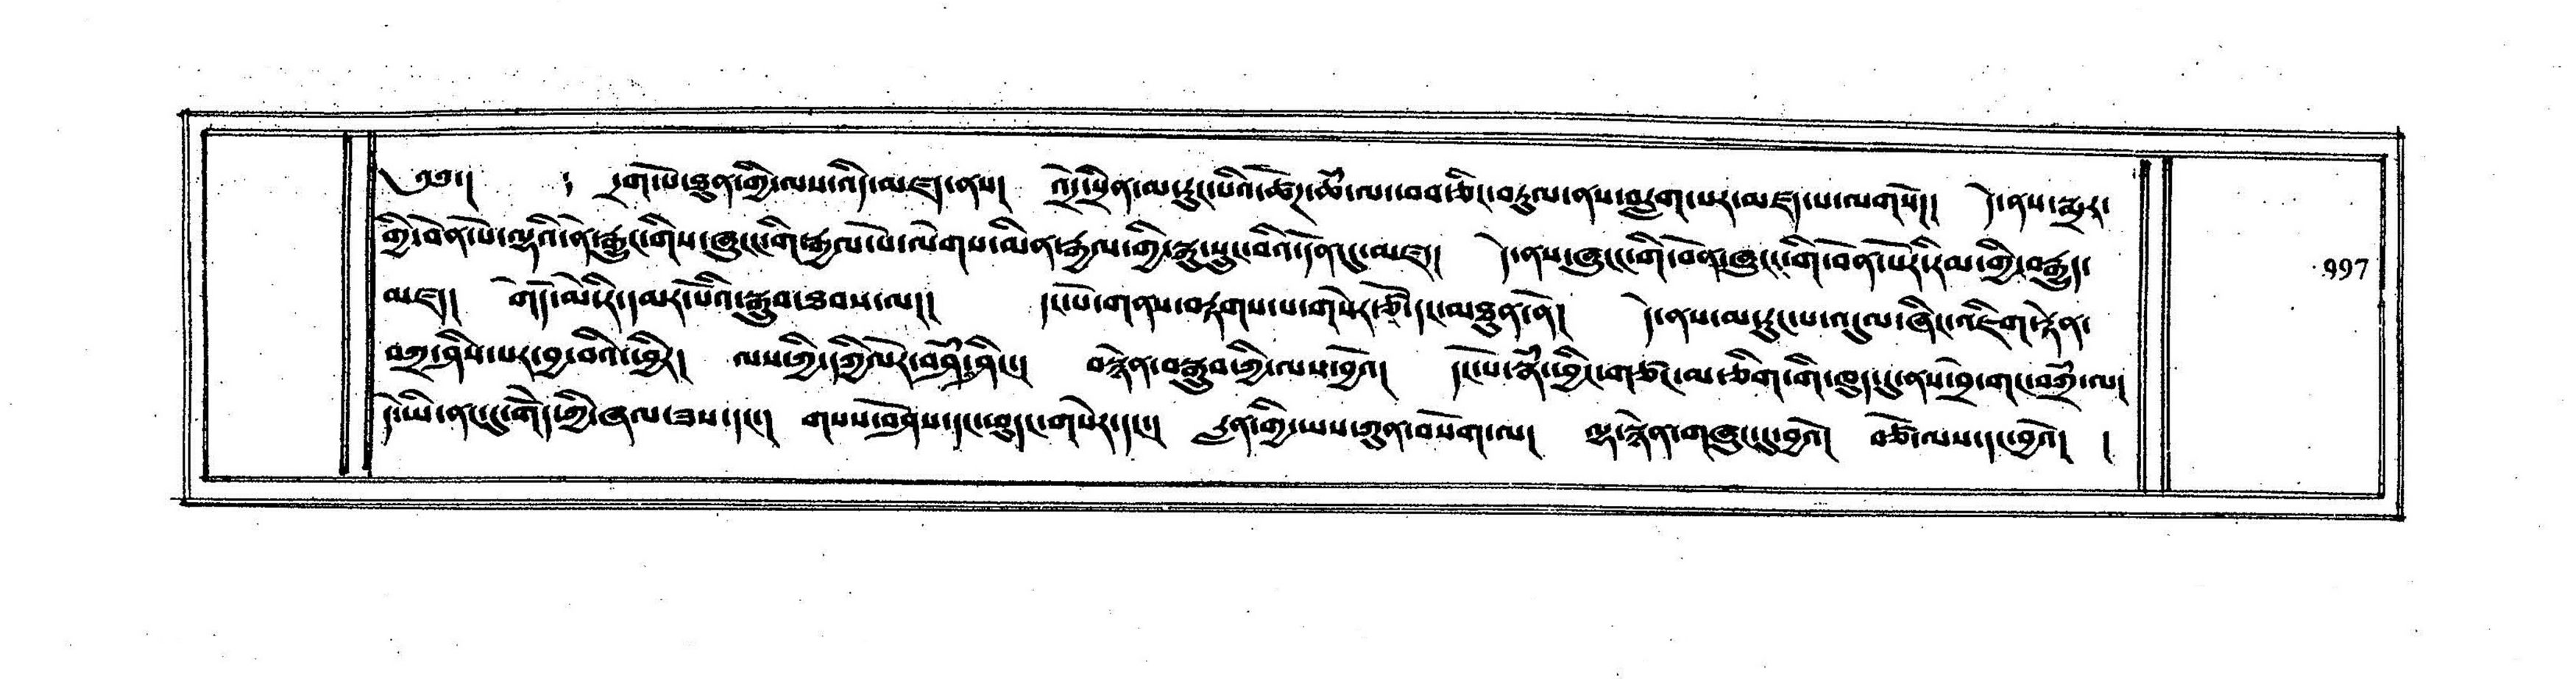དྲག་པོ་ཐུན་གྱི་ལས་འདི་མཛད་ནས། འདྲེ་སྲིན་མ་རུང་པའི་ཚོགས་ཆམ་ལ་ཕབ་ཅིང་བཏུལ་ནས་བརླག་པར་མཛད་པ་ལགས་སོ།། དེ་ནས་སྨྲར་
གྱི་བོན་པོ་ལྷའི་ནེ་རྒྱུང་གིས་ཞང་ཞུང་གི་རྒྱལ་པོ་ལེག་མིན་རྒྱལ་གྱི་སྐུ་སྲུང་བའི་དོན་དུ་མཛད། དེ་ནས་ཞང་ཞུང་གི་བོན་པོར་རིམ་གྱི་བརྒྱུད་
མཛད། གེ་ཁོད་མེ་རི་དམར་པོའི་སྒྲུབ་ཐབས་ལ།། དང་པོ་གནས་བརྟགས་པ་གསེར་ཙོ་དང་མཐུན་ནོ། དེ་ནས་མ་རུང་པ་འདུལ་ཞིང་འཇིག་རྟེན་
བཀྲ་ཤིས་པར་བྱ་བའི་ཕྱིར། ལས་ཀྱི་དཀྱིལ་འཁོར་བཤམ་ཤིང་། བསྙེན་བསྒྲུབ་ཀྱི་ལས་བྱའོ། དང་པོ་སྣམ་ཕྱི་ནང་གཙང་མ་ཅིག་གི་ཁུད་དུ་ནས་བྲེ་གང་བཀྲམ་ལ། 
དེ་ཡི་ནང་དུ་གེ་ཁོད་ཀྱི་ཞལ་ཟས་དང་། གསས་བཤོས་དང་ཕུད་དང་གསེར་དང་། རླན་གྱི་ཡས་ཀུན་བསོག་ལ། ལྷ་སྙེན་གཞུང་དུ་བྱའོ། བཙོ་ལས་དང་བྱའོ། །